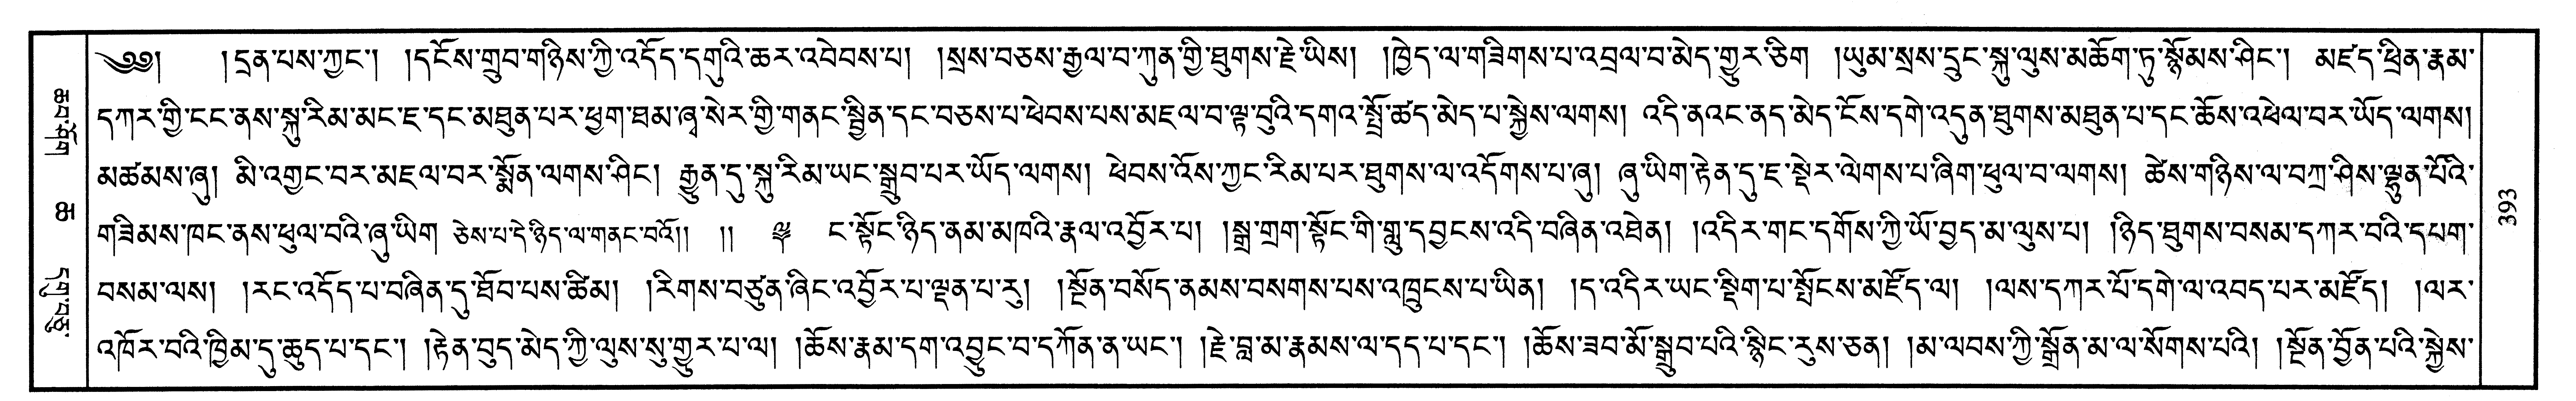༄༅། །དྲན་པས་ཀྱང་། །དངོས་གྲུབ་གཉིས་ཀྱི་འདོད་དགུའི་ཆར་འབེབས་པ། །སྲས་བཅས་རྒྱལ་བ་ཀུན་གྱི་ཐུགས་རྗེ་ཡིས། །ཁྱེད་ལ་གཟིགས་པ་འབྲལ་བ་མེད་གྱུར་ཅིག །ཡུམ་སྲས་དྲུང་སྐུ་ལུས་མཆོག་ཏུ་སྙོམས་ཤིང་། མཛད་ཕྲིན་རྣམ་
དཀར་གྱི་ངང་ནས་སྐུ་རིམ་མང་ཇ་དང་མཐུན་པར་ཕྱག་ཐམ་ཞྭ་སེར་གྱི་གནང་སྦྱིན་དང་བཅས་པ་ཕེབས་པས་མཇལ་བ་ལྟ་བུའི་དགའ་སྤྲོ་ཚད་མེད་པ་སྐྱེས་ལགས། འདི་ནའང་ནད་མེད་ངོས་དགེ་འདུན་ཐུགས་མཐུན་པ་དང་ཆོས་འཕེལ་བར་ཡོད་ལགས།
མཚམས་ཞུ། མི་འགྱང་བར་མཇལ་བར་སྨོན་ལགས་ཤིང་། རྒྱུན་དུ་སྐུ་རིམ་ཡང་སྒྲུབ་པར་ཡོད་ལགས། ཕེབས་འོས་ཀྱང་རིམ་པར་ཐུགས་ལ་འདོགས་པ་ཞུ། ཞུ་ཡིག་རྟེན་དུ་ཇ་སྡེར་ལེགས་པ་ཞིག་ཕུལ་བ་ལགས། ཚེས་གཉིས་ལ་བཀྲ་ཤིས་ལྷུན་པོའི་
གཟིམས་ཁང་ནས་ཕུལ་བའི་ཞུ་ཡིག་ཅེས་པ་དེ་ཉིད་ལ་གནང་བའོ།། །། ༈ ང་སྟོང་ཉིད་ནམ་མཁའི་རྣལ་འབྱོར་པ། །སྒྲ་གྲག་སྟོང་གི་གླུ་དབྱངས་འདི་བཞིན་འཐེན། །འདིར་གང་དགོས་ཀྱི་ཡོ་བྱད་མ་ལུས་པ། །ཉིད་ཐུགས་བསམ་དཀར་བའི་དཔག་
བསམ་ལས། །རང་འདོད་པ་བཞིན་དུ་ཐོབ་པས་ཚིམ། །རིགས་བཙུན་ཞིང་འབྱོར་པ་ལྡན་པ་རུ། །སྔོན་བསོད་ནམས་བསགས་པས་འཁྲུངས་པ་ཡིན། །ད་འདིར་ཡང་སྡིག་པ་སྤོངས་མཛོད་ལ། །ལས་དཀར་པོ་དགེ་ལ་འབད་པར་མཛོད། །ལར་
འཁོར་བའི་ཁྱིམ་དུ་ཆུད་པ་དང་། །རྟེན་བུད་མེད་ཀྱི་ལུས་སུ་གྱུར་པ་ལ། །ཆོས་རྣམ་དག་འབྱུང་བ་དཀོན་ན་ཡང་། །རྗེ་བླ་མ་རྣམས་ལ་དད་པ་དང་། །ཆོས་ཟབ་མོ་སྒྲུབ་པའི་སྙིང་རུས་ཅན། །མ་ལབས་ཀྱི་སྒྲོན་མ་ལ་སོགས་པའི། །སྔོན་བྱོན་པའི་སྐྱེས་